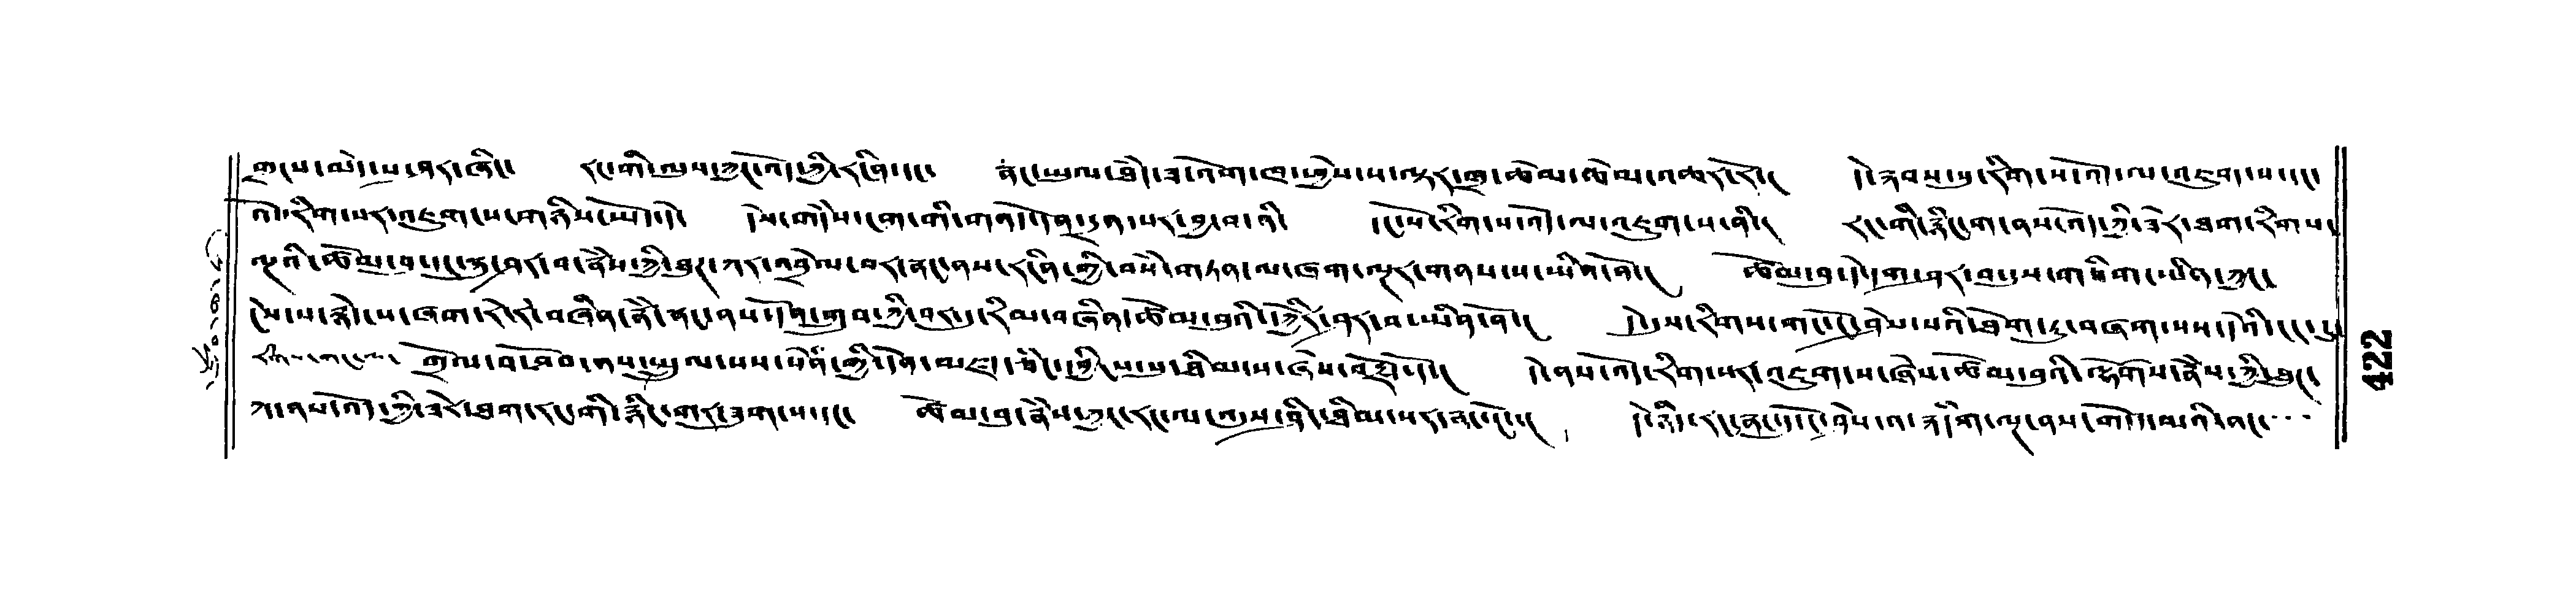གྲངས་མེད་པར་ཤར་ཞིང་། རང་གི་ལུས་ཀྱང་འོད་ཀྱི་རང་བཞིན་དང་། སྣང་ཡུལ་ཐམས་ཅད་ཟ་འོག་ཁ་ཕྱེས་པ་ལྟར་ཁྲ་ཆེམ་ཆེམ་འཆར་རོ། དེ་སྐབས་སུ་རིག་པ་འོད་ལ་འཇུག་པ་དང་། 
འོད་རིག་པར་འཇུག་པ་གཉིས་ཡོད་དོ། དེས་གདམས་ངག་གི་གནད་དོན་དྲན་པར་བྱ་བ་ནི། དང་པོ་རིག་པ་འོད་ལ་འཇུག་པ་ནི། རང་གི་སྙིང་ག་ནས་འོད་ཀྱི་ཟེར་ཐག་རིགས་
ལྔའི་ཚོམ་བུ་དང་སྐུ་ཤར་བ་རྣམས་ཀྱི་ཐུགས་ཀར་འབྲེལ་བར་སྣང་ནས་རང་བཞིན་གྱི་བསམ་གཏན་ལ་ཞག་ལྔར་གནས་པ་ཡིན་ནོ། ཚོམ་བུ་དེ་དག་ཤར་བ་དུས་གཅིག་ཡིན་ཀྱང་། 
ངེས་པ་རྙེད་པ་ཞག་རེ་རེ་བཞིན་རྣམ་སྣང་ནས་དོན་གྲུབ་ཀྱི་བར་དུ་རིམ་བཞིན་ཚོམ་བུའི་དཀྱིལ་འཁོར་ཤར་བ་ཡིན་ནོ། དེ་དུས་རིགས་གང་ངོ་ཤེས་པའི་ཐོག་ཏུ་བཞག་པས་དེའི་ངང་དུ་
གྲོལ་བ་ཐོབ་ནས་སྤྲུལ་པས་སེམས་ཅན་གྱི་དོན་མཛད་ཅིང་དབྱིངས་སུ་ཐིམ་པ་ཞེས་བརྗོད་དོ། དེ་ནས་འོད་རིག་པར་འཇུག་པ་ཞེས་ཚོམ་བུའི་ལྷ་ཚོགས་རྣམས་ཀྱི་ཐུགས་
ཀ་ནས་འོད་ཀྱི་ཟེར་ཐག་རང་གི་སྙིང་གར་ཟུག་པ་དང་། ཚོམ་བུ་རྣམས་ཀྱང་རང་ལ་འདུས་ཤིང་ཐིམ་པར་སྣང་ངོ་། དེ་ཉིད་རང་སྣང་དུ་ངོ་ཤེས་ན་སྐད་ཅིག་ལྔ་ནས་གདོད་མའི་ནང་